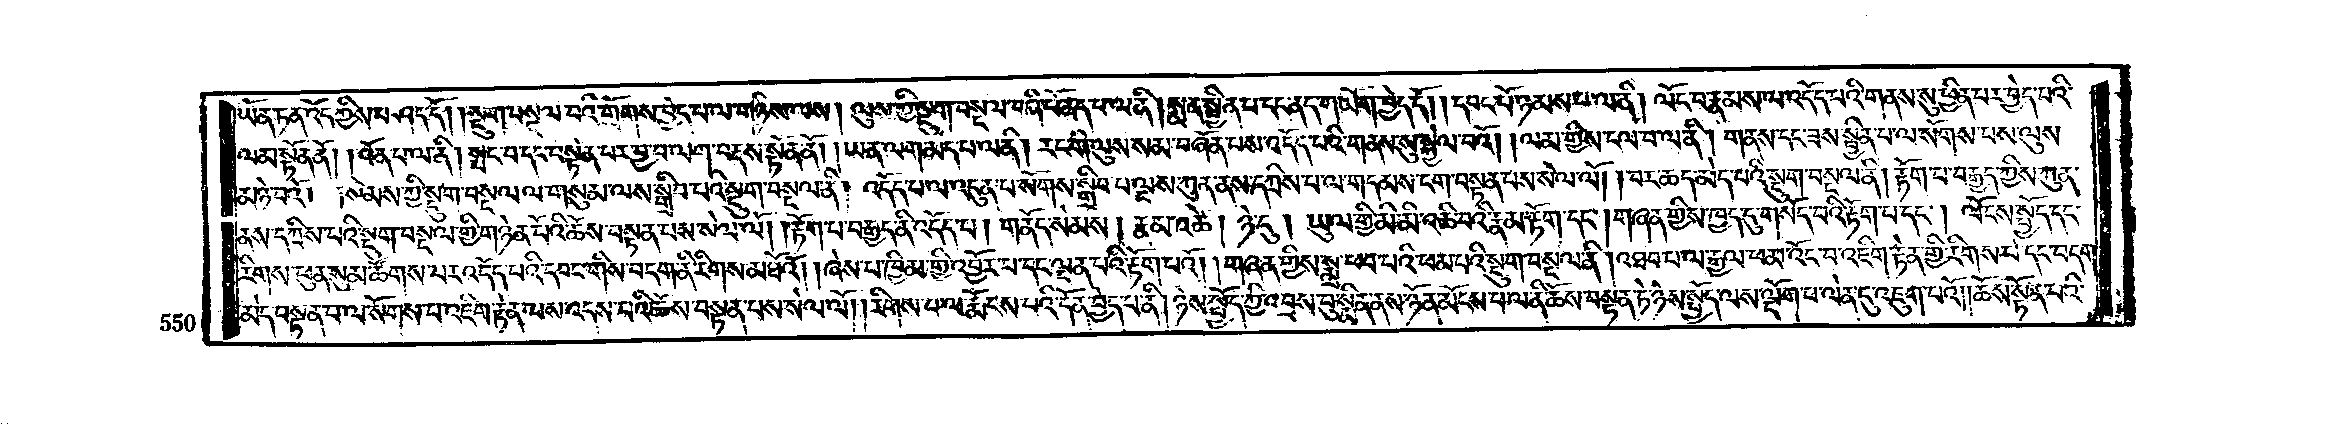ཡོན་ཏན་འོད་ཀྱིས་བཤད་དོ། །སྡུག་བསྔལ་བའི་གྲོགས་བྱེད་པ་ལ་གཉིས་ལས། ལུས་ཀྱི་སྡུག་བསྔལ་བཞི་པོ་ནད་པ་ལ་ནི། སྨན་སྦྱིན་པ་དང་ནད་གཡོག་བྱེད་དོ། །དབང་པོ་ཉམས་པ་ལ་ནི། ལོང་བ་རྣམས་ལ་འདོད་པའི་གནས་སུ་ཕྱིན་པར་བྱེད་པའི་
ལམ་སྟོན་ནོ། །འོན་པ་ལ་ནི། སྤང་བ་དང་བསྟེན་པར་བྱ་བ་ལག་བརྡས་སྟོན་ནོ། །ཡན་ལག་མེད་པ་ལ་ནི། རང་གི་ལུས་སམ་བཞོན་པས་འདོད་པའི་གནས་སུ་སྐྱེལ་བའོ། །ལམ་གྱིས་ངལ་བ་ལ་ནི། གནས་དང་ཟས་སྦྱིན་པ་ལ་སོགས་པས་ལུས་
མཉེ་བའོ། །སེམས་ཀྱི་སྡུག་བསྔལ་ལ་གསུམ་ལས་སྒྲིབ་པའི་སྡུག་བསྔལ་ནི། འདོད་པ་ལ་འདུན་པ་སོགས་སྒྲིབ་པ་ལྔས་ཀུན་ནས་དཀྲིས་པ་ལ་གདམས་ངག་བསྟན་པས་སེལ་ལོ། །བར་ཆད་མེད་པའི་སྡུག་བསྔལ་ནི། རྟོག་པ་བརྒྱད་ཀྱིས་ཀུན་
ནས་དཀྲིས་པའི་སྡུག་བསྔལ་གྱི་གཉེན་པོའི་ཆོས་བསྟན་པས་སེལ་ལོ། །རྟོག་པ་བརྒྱད་ནི་འདོད་པ། གནོད་སེམས། རྣམ་འཚེ། ཉེ་དུ། ཡུལ་གྱི་མི་མི་འཆི་བའི་རྣམ་རྟོག་དང་། གཞན་གྱིས་ཁྱད་དུ་གསོད་པའི་རྟོག་པ་དང་། ལོངས་སྤྱོད་དང་
རིགས་ཕུན་སུམ་ཚོགས་པར་འདོད་པའི་དབང་གིས་བདག་ནི་རིགས་མཐོའོ། །ཞེས་པ་ཁྱིམ་གྱི་འབྱོར་པ་དང་ལྡན་པའི་རྟོག་པའོ། །གཞན་གྱིས་སྨྲ་ཕབ་པའི་ཕམ་པའི་སྡུག་བསྔལ་ནི། འཐབ་པ་ལ་རྒྱལ་ཕམ་འོང་བ་འཇིག་རྟེན་གྱི་རིགས་པ་དང་བདག་
མེད་བསྟན་པ་ལ་སོགས་པ་འཇིག་རྟེན་ལས་འདས་པའི་ཆོས་བསྟན་པས་སེལ་ལོ། །རིགས་པ་ལ་རྨོངས་པའི་དོན་བྱེད་པ་ནི། ཉེས་སྤྱོད་ཀྱི་འབྲས་བུ་སྨིན་ནས་ཉོན་མོངས་པ་ལ་ནི་ཆོས་བསྟན་ཏེ་ཉེས་སྤྱོད་ལས་ལྡོག་པ་ལེན་དུ་འཇུག་པའོ། །ཆོས་སྟོན་པའི་